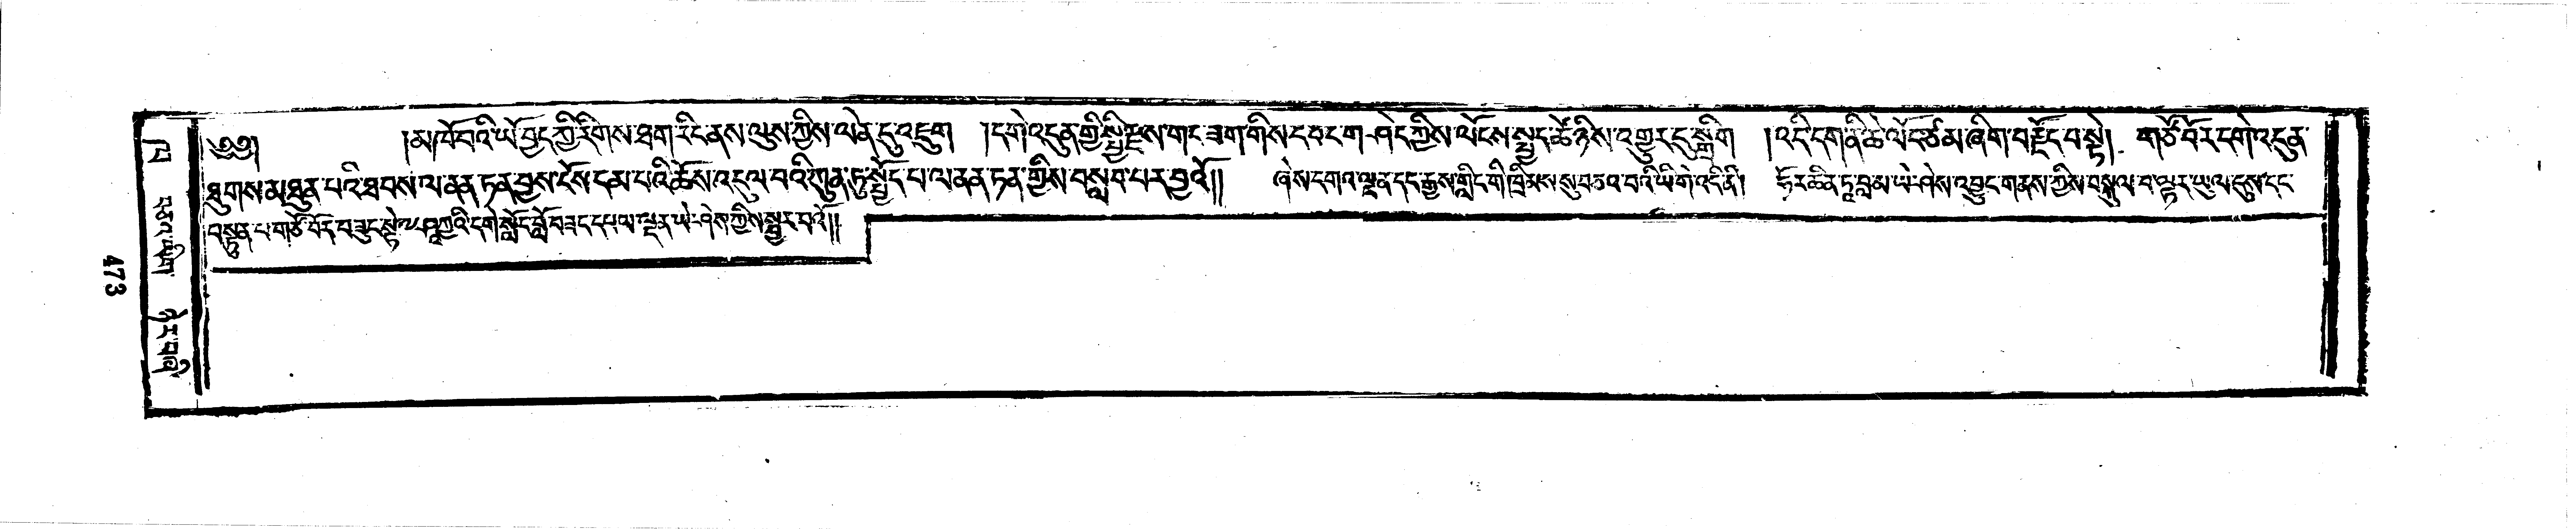༄༅། །མཁོ་བའི་ཡོ་བྱད་ཀྱི་རིགས་ཐག་རིང་ནས་ལུས་ཀྱིས་ལེན་དུ་འཇུག །དགེ་འདུན་གྱི་སྤྱི་རྫས་གང་ཟག་གིས་དབང་གཤེད་ཀྱིས་ལོངས་སྤྱད་ཚེ་ཉིས་འགྱུར་དུ་སྒྲིག །འདི་དག་ནི་ཆེ་ལོང་ཙམ་ཞིག་བརྗོད་པ་སྟེ། གཙོ་བོར་དགེ་འདུན་
ཐུགས་མཐུན་པའི་ཐབས་ལ་ནན་ཏན་བྱས་ངོས་དམ་པའི་ཆོས་འདུལ་བའི་ཀུན་ཏུ་སྤྱོད་པ་ལ་ནན་ཏན་གྱིས་བསླབ་པར་བྱའོ།། ཞེས་དགའ་ལྡན་དང་རྒྱས་གླིང་གི་ཁྲིམས་སུ་བཅའ་བའི་ཡི་གེ་འདི་ནི། ཧོར་ཆེན་ཏཱ་བླ་མ་ཡེ་ཤེས་འབྱུང་གནས་ཀྱིས་བསྐུལ་བ་ལྟར་ཡུལ་དུས་དང་
བསྟུན་པ་གཙོ་བོར་བཟུང་སྟེ་༧་ཤཱཀྱའི་དགེ་སློང་བློ་བཟང་དཔལ་ལྡན་ཡེ་ཤེས་ཀྱིས་སྦྱར་བའོ།།